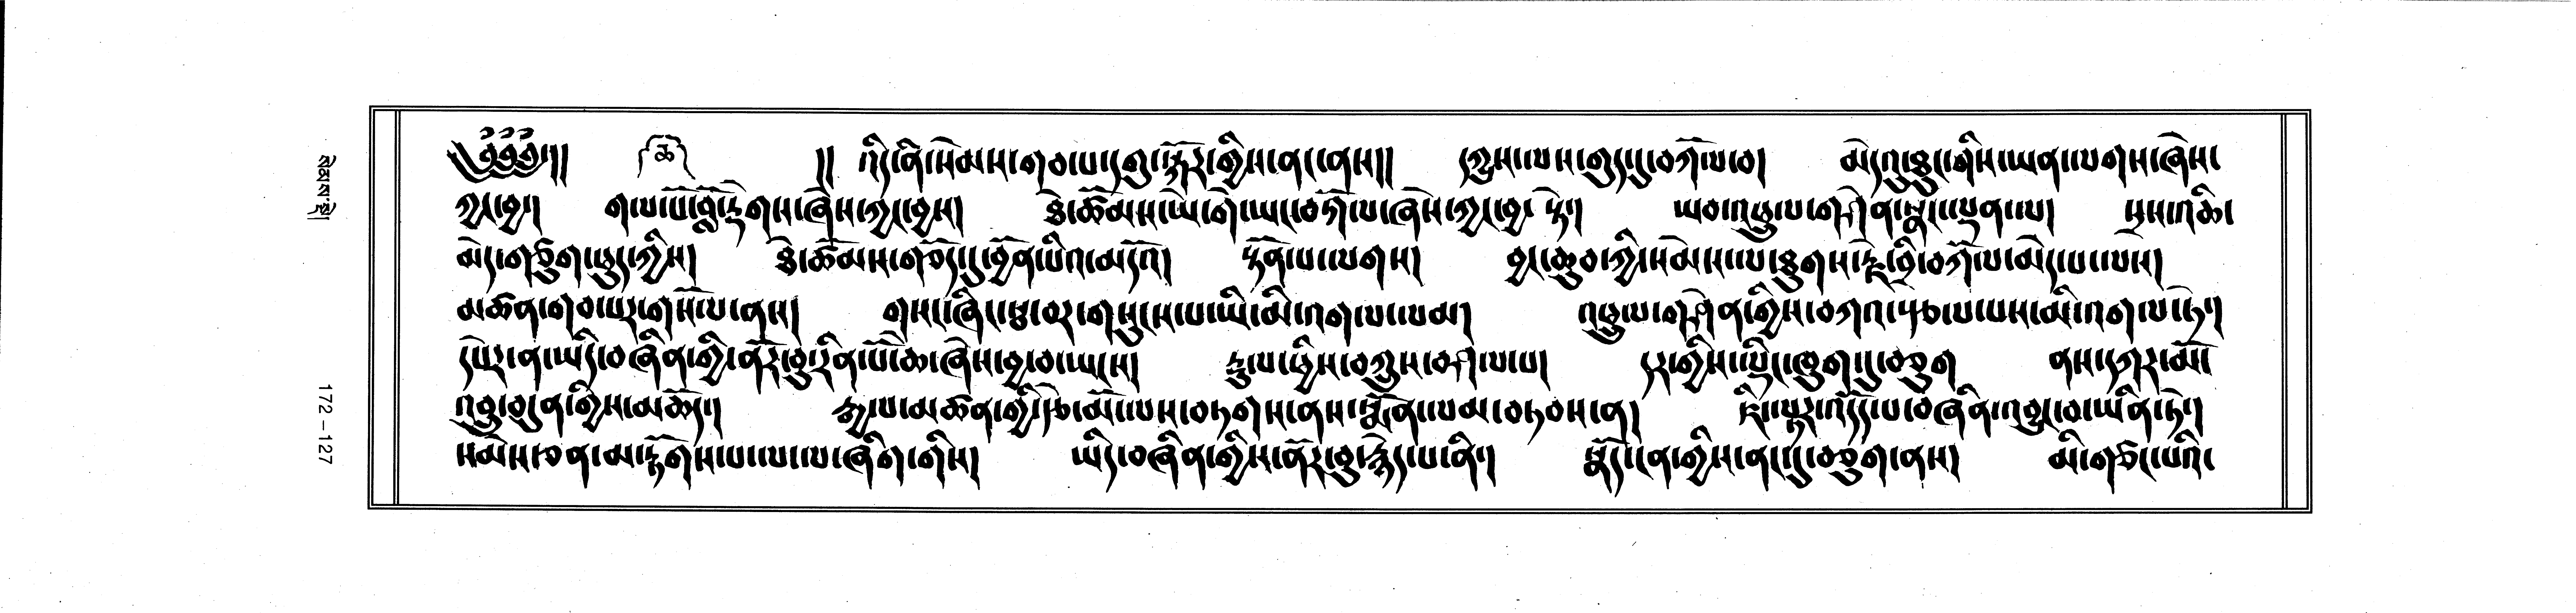༼ཆ༽༄༅༅།། །།འདི་ནི་སེམས་གབ་པ་དགུ་སྐོར་གྱིས་ནང་ནས། དཀྱུས་ལས་གུད་དུ་བཀོལ་བ། མདེའུ་ཐུང་གིས་ཡན་ལག་ཞེས་
ཀྱང་བྱ། གལ་པོ་བློ་རྡེགས་ཞེས་ཀྱང་བྱས། ཐེ་ཚོམས་ཡེ་གེ་ཡང་བཀོལ་ཞེས་ཀྱང་བྱ་སྟེ། ཡབ་འཕྲུལ་གཤེན་སྣང་ལྡན་ལ། སྲས་འཆི་
མེད་གཙུག་ཕུད་ཀྱིས། ཐེ་ཚོམས་གཅོད་དུ་བྱོན་པའི་མདོའ། སྟོན་པ་ལགས། བྱང་ཆུབ་ཀྱི་སེམས་ལ་ཐུགས་རྗེ་བྲི་བཀོལ་མེད་པ་ལས། 
མཚན་གབ་པར་གསོལ་ནས། གསང་ཞིང་སྦ་བར་གསུངས་པ་ཡི་མི་འགལ་ལམ། འཕྲུལ་གཤེན་གྱིས་བཀའ་སྩལ་པས་མི་འགལ་ཏེ། 
དཔེར་ན་ཡིད་བཞིན་གྱི་ནོར་བུ་རིན་པོ་ཆེ་ཞེས་བྱ་བ་ཡངས། རྡུལ་ཕྱིས་བཀྲུས་བཤལ་པ། དར་གྱིས་ལྡིང་ཁུག་དུ་བཅུག། ནས་དཀར་མོ་
འབྲུ་བདུན་གྱིས་མཆོད། རྒྱལ་མཚན་གྱི་རྩེ་མོ་ལས་བཏགས་ནས་སྨོན་ལམ་བཏབས་ན། ཇི་ལྟར་འདོད་པ་བཞིན་འབྱུང་བ་ཡིན་ཏེ། 
སེམས་ཅན་མ་རྟོགས་པ་ལ་ལ་ཞིག་གིས། ཡིད་བཞིན་གྱིས་ནོར་བུ་རྙེད་པ་ནི། སྣོད་ངན་གྱིས་ནང་དུ་བཅུག་ནས། མི་གཙང་པའི་